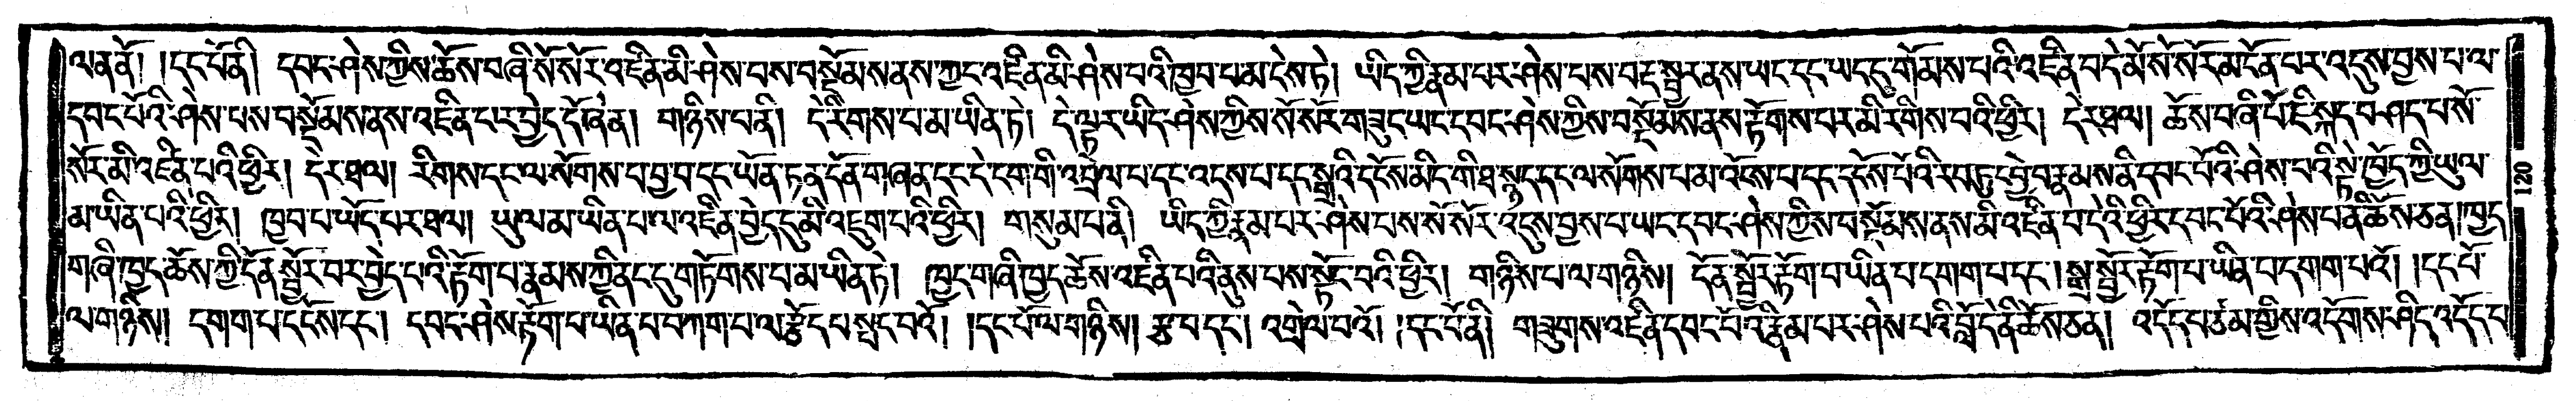ལན་ནོ། །དང་པོ་ནི། དབང་ཤེས་ཀྱིས་ཆོས་བཞི་སོ་སོར་འཛིན་མི་ཤེས་པས་བསྡོམས་ནས་ཀྱང་འཛིན་མི་ཤེས་པའི་ཁྱབ་པ་མ་ངེས་ཏེ། ཡིད་ཀྱི་རྣམ་པར་ཤེས་པས་བརྡ་སྦྱར་ནས་ཡང་དང་ཡང་དུ་གོམས་པའི་འཛིན་བདེ་མོ་སོ་སོར་མངོན་པར་འདུས་བྱས་པ་ལ་
དབང་པོའི་ཤེས་པས་བསྡོམས་ནས་འཛིན་པར་བྱེད་དོ་ཞེ་ན། གཉིས་པ་ནི། དེ་རིགས་པ་མ་ཡིན་ཏེ། དེ་ལྟར་ཡིད་ཤེས་ཀྱིས་སོ་སོར་གཟུང་ཡང་དབང་ཤེས་ཀྱིས་བསྡོམས་ནས་རྟོགས་པར་མི་རིགས་པའི་ཕྱིར། དེར་ཐལ། ཆོས་བཞི་པོ་ཇི་སྐད་བཤད་པ་སོ་
སོར་མི་འཛིན་པའི་ཕྱིར། དེར་ཐལ། རིགས་དང་ལ་སོགས་པ་བྱ་བ་དང་ཡོན་ཏན་དོན་གཞན་དང་དེ་དག་གི་འབྲེལ་པ་དང་འདས་པ་དང་སྒྲའི་དངོས་མིང་གི་ཐ་སྙད་དང་ལ་སོགས་པ་མ་འོངས་པ་དང་དངོས་པོའི་རབ་ཏུ་དབྱེ་བ་རྣམས་ནི་དབང་པོའི་ཤེས་པའི་སྟེ་ཁྱོད་ཀྱི་ཡུལ་
མ་ཡིན་པའི་ཕྱིར། ཁྱབ་པ་ཡོད་པར་ཐལ། ཡུལ་མ་ཡིན་པ་ལ་འཛིན་བྱེད་དུ་མི་འཇུག་པའི་ཕྱིར། གསུམ་པ་ནི། ཡིད་ཀྱི་རྣམ་པར་ཤེས་པས་སོ་སོར་འདུས་བྱས་པ་ཡང་དབང་ཤེས་ཀྱིས་བསྡོམས་ནས་མི་འཛིན་པ་དེའི་ཕྱིར་དབང་པོའི་ཤེས་པ་ནི་ཆོས་ཅན། ཁྱད་
གཞི་ཁྱད་ཆོས་ཀྱི་དོན་སྦྱོར་བར་བྱེད་པའི་རྟོག་པ་རྣམས་ཀྱི་ནང་དུ་གཏོགས་པ་མ་ཡིན་ཏེ། ཁྱད་གཞི་ཁྱད་ཆོས་འཛིན་པའི་ནུས་པས་སྟོང་བའི་ཕྱིར། གཉིས་པ་ལ་གཉིས། དོན་སྦྱོར་རྟོག་པ་ཡིན་པ་དགག་པ་དང་། སྒྲ་སྦྱོར་རྟོག་པ་ཡིན་པ་དགག་པའོ། །དང་པོ་
ལ་གཉིས། དགག་པ་དངོས་དང་། དབང་ཤེས་རྟོག་པ་ཡིན་པ་བཀག་པ་ལ་རྩོད་པ་སྤང་བའོ། །དང་པོ་ལ་གཉིས། རྩ་བ་དང་། འགྲེལ་པའོ། །དང་པོ་ནི། གཟུགས་འཛིན་དབང་པོའི་རྣམ་པར་ཤེས་པའི་བློ་དེ་ནི་ཆོས་ཅན། འདོད་པ་ཙམ་གྱིས་འདོགས་ཤིང་འདོད་པ་